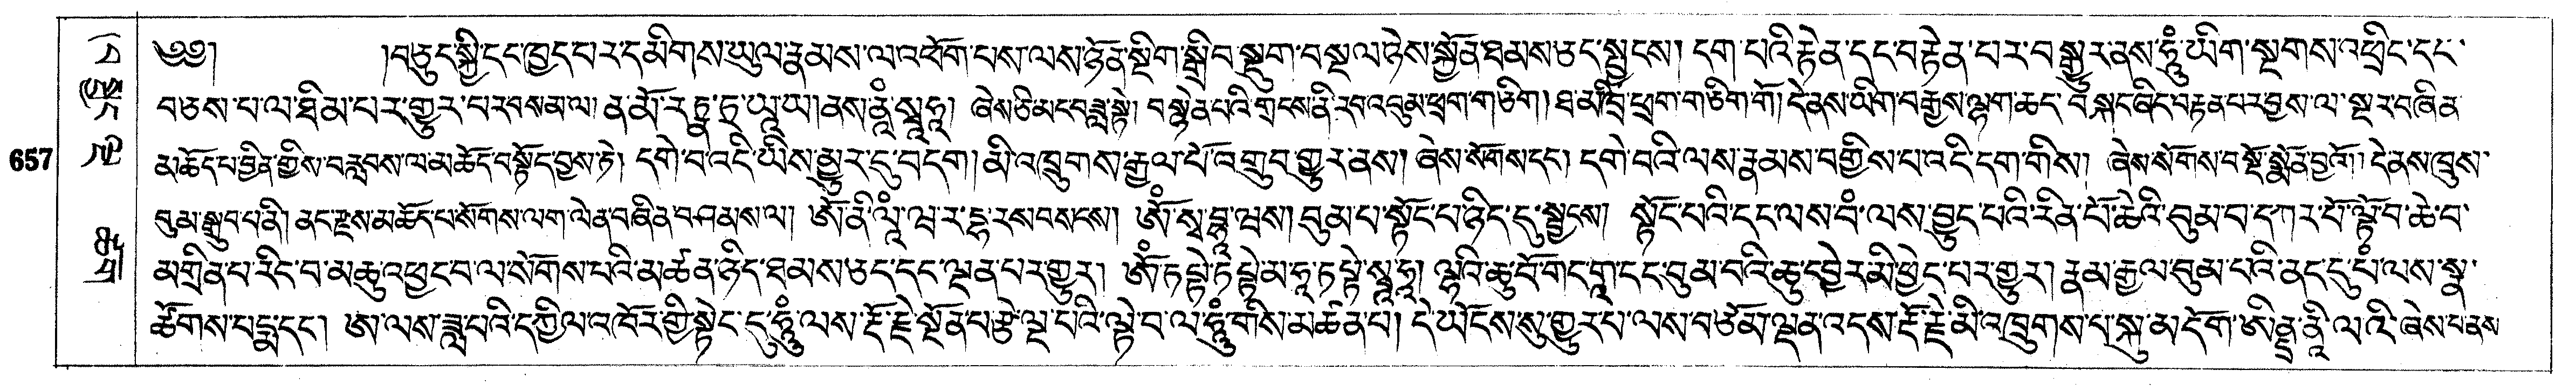༄༅། །བཅུད་སྐྱི་དང་ཁྱད་པར་དམིགས་ཡུལ་རྣམས་ལ་འཕོག་པས་ལས་ཉོན་སྡིག་སྒྲིབ་སྡུག་བསྔལ་ཉེས་སྐྱོན་ཐམས་ཅད་སྤྱངས། དག་པའི་རྟེན་དང་བརྟེན་པར་བསྒྱུར་ནས་ཧཱུཾ་ཡིག་སྔགས་འཕྲིང་དང་
བཅས་པ་ལ་ཐིམ་པར་གྱུར་པར་བསམ་ལ། ན་མོ་རཏྣ་ཏྲ་ཡཱ་ཡ། ནས་ནཱཾ་སྭཱཧཱ། ཞེས་ཅི་མང་བཟླ་སྟེ། བསྙེན་པའི་གྲངས་ནི་རབ་འབུམ་ཕྲག་གཅིག། ཐ་མ་ཁྲི་ཕྲག་གཅིག་གོ། དེ་ནས་ཡིག་བརྒྱས་ལྷག་ཆད་བསྐང་ཞིང་བརྟན་པར་བྱས་ལ་སྔར་བཞིན་
མཆོད་པ་བྱིན་གྱིས་བརླབས་ལ་མཆོད་བསྟོད་བྱས་ཏེ། དགེ་བ་འདི་ཡིས་མྱུར་དུ་བདག། མི་འཁྲུགས་རྒྱལ་པོ་འགྲུབ་གྱུར་ནས། ཞེས་སོགས་དང་། དགེ་བའི་ལས་རྣམས་བགྱིས་པ་འདི་དག་གིས། ཞེས་སོགས་བསྔོ་སྨོན་བྱའོ། །དེ་ནས་ཁྲུས་
བུམ་སྒྲུབ་པ་ནི། ནང་རྫས་མཆོད་པ་སོགས་ལག་ལེན་བཞིན་བཤམས་ལ། ཨོ་ནི་ལཱཾ་ཝ་ར་དྷ་རས་བསངས། ཨོཾ་སྭ་བྷཱ་ཝས། བུམ་པ་སྟོང་པ་ཉིད་དུ་སྦྱངས། སྟོང་པའི་ངང་ལས་བཾ་ལས་བྱུང་པའི་རིན་པོ་ཆེའི་བུམ་པ་དཀར་པོ་ལྟོ་བ་ཆེ་བ་
མགྲིན་པ་རིང་བ་མཆུ་འཕྱང་བ་ལ་སོགས་པའི་མཚན་ཉིད་ཐམས་ཅད་དང་ལྡན་པར་གྱུར། ཨོཾ་ཏཔྟེ་ཏཔྟེ་མ་ཧཱ་ཏཔྟེ་སྭཱ་ཧཱ། ལྷའི་ཆུ་བོ་གང་གཱ་དང་བུམ་བའི་ཆུ་དབྱེར་མི་ཕྱེད་པར་གྱུར། རྣམ་རྒྱལ་བུམ་པའི་ནང་དུ་པཾ་ལས་སྣ་
ཚོགས་པདམ་དང་། ཨ་ལས་ཟླ་པའི་དཀྱིལ་འཁོར་གྱི་སྟེང་དུ་ཧཱུཾ་ལས་རྡོ་རྗེ་སྔོན་པ་རྩེ་ལྔ་པའི་ལྟེ་བ་ལ་ཧཱུཾ་གིས་མཚན་པ། དེ་ཡོངས་སུ་གྱུར་པ་ལས་བཅོམ་ལྡན་འདས་རྡོ་རྗེ་མི་འཁྲུགས་པ་སྐུ་མདོག་ཨིནྡྲ་ནཱི་ལའི་ཞེས་པ་ནས་